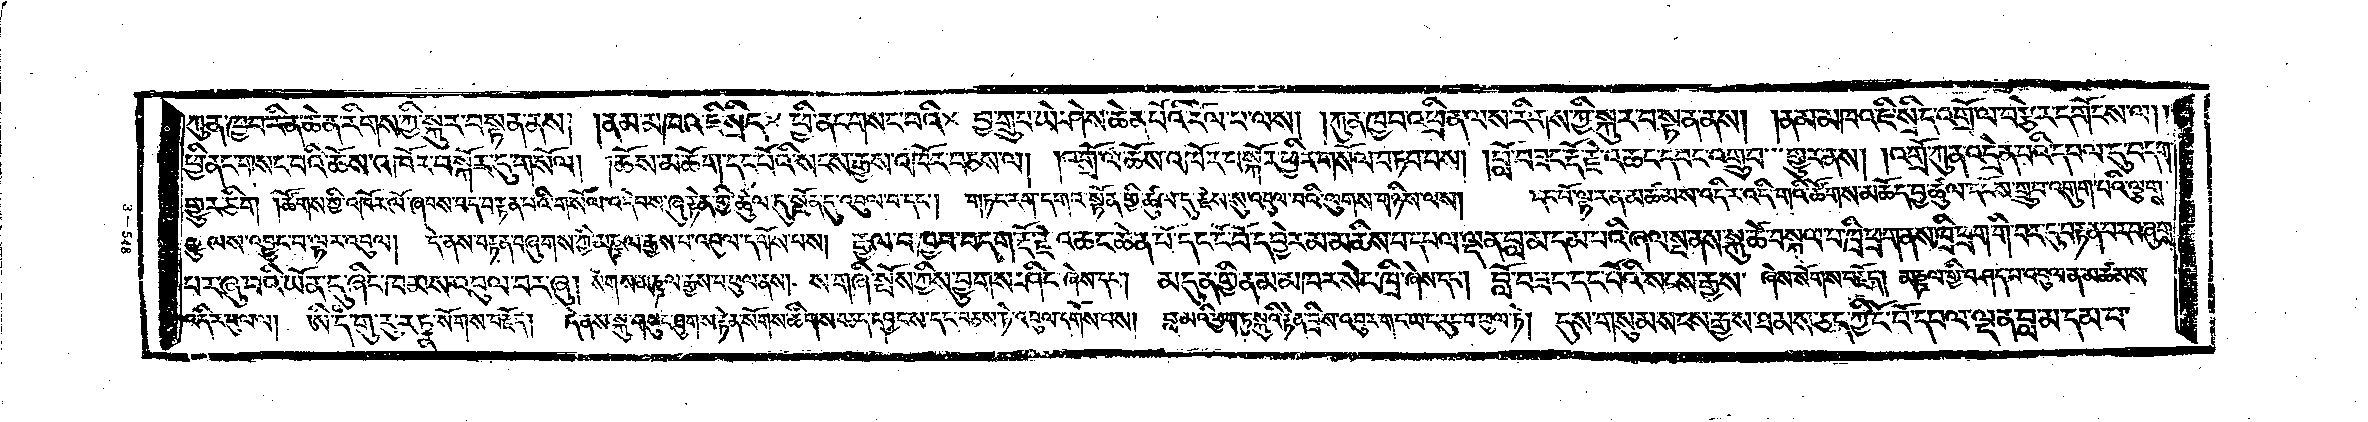ཀུན་ཁྱབ་རིན་ཆེན་རིགས་ཀྱི་སྐུར་བསྟན་ནས། །ནམ་མཁའ་ཇི་སྲིད་྾་ཕྱི་ནང་གསང་བའི་྾་བྱ་གྲུབ་ཡེ་ཤེས་ཆེན་པོའི་རོལ་པ་ལས། །ཀུན་ཁྱབ་འཕྲིན་ལས་རིགས་ཀྱི་སྐུར་བསྟན་ནས། །ནམ་མཁའ་ཇི་སྲིད་འགྲོ་ལ་བརྩེ་ར་དགོངས་ལ། །
ཕྱི་ནང་གསང་བའི་ཆོས་འཁོར་བསྐོར་དུ་གསོལ། །ཆོས་མཆོག་དང་པོའི་སངས་རྒྱས་འཁོར་བཅས་ལ། །འགྲོ་ལ་ཆོས་འཁོར་བསྐོར་ཕྱིར་གསོལ་བཏབ་པས། །བློ་བཟང་རྡོ་རྗེ་འཆང་དབང་འགྲུབ་གྱུར་ནས། །འགྲོ་ཀུན་འདྲེན་པའི་དཔལ་དུ་བདག་
གྱུར་ཅིག །ཚོགས་ཀྱི་འཁོར་ལོ་ཞབས་བདེ་བརྟན་པའི་གསོལ་འདེབས་ཞུ་རྟེན་གྱི་ཚུལ་དུ་སྔོན་དུ་འབུལ་བ་དང་། གཏང་རག་དགའ་སྟོན་གྱི་ཚུལ་དུ་རྗེས་སུ་འབུལ་བའི་ལུགས་གཉིས་ལས། དང་པོ་ལྟར་ན་མཚམས་འདིར་འདི་གའི་ཚོགས་མཆོད་བྱ་ཚུལ་དངོས་གྲུབ་འགུག་པའི་ལྕགས་
རྒྱུ་ལས་འབྱུང་བ་ལྟར་འབུལ། དེ་ནས་བརྟན་བཞུགས་ཀྱི་མཎྜལ་རྒྱས་པ་འབུལ་དགོས་པས། རྒྱལ་བ་ཁྱབ་བདག་རྡོ་རྗེ་འཆང་ཆེན་པོ་དང་ངོ་བོ་དབྱེར་མ་མཆིས་པ་དཔལ་ལྡན་བླ་མ་དམ་པའི་ཞལ་སྣ་ནས་སྐུ་ཚེ་བསྐལ་པ་ཁྲི་ཕྲག་ནས་ཁྲི་ཕྲག་གི་བར་དུ་བརྟན་པར་བཞུགས་
པར་ཞུ་བའི་ཡོན་དུ་ཞིང་ཁམས་འབུལ་བར་ཞུ། སོགས་མཎྜལ་རྒྱས་པ་ཕུལ་ནས།  ས་གཞི་སྤོས་ཀྱིས་བྱུགས་ཤིང་ཞེས་དང་། མདུན་གྱི་ནམ་མཁར་སེང་ཁྲི་ཞེས་དང་། བློ་བཟང་དང་པོའི་སངས་རྒྱས་ཞེས་སོགས་བརྗོད། མཎྜལ་གྱི་བཤད་པ་འབུལ་ན་མཚམས་
འདིར་བུལ་ལ། ཨི་དཾ་གུ་རུ་རཏྣ་སོགས་བརྗོད། དེ་ནས་སྐུ་ལུང་ཐུགས་རྟེན་སོགས་ཚིགས་བཅད་དབྱང་ས་དང་བཅས་ཏེ་འབུལ་དགོས་པས། བླ་མའི་ཕྱག་ཏུ་སྐུའི་རྟེན་བྲིས་འབུར་གང་ཡང་རུང་བ་ཕུལ་ཏེ།  དུས་གསུམ་སངས་རྒྱས་ཐམས་ཅད་ཀྱི་ངོ་བོ་དཔལ་ལྡན་བླ་མ་དམ་པ་